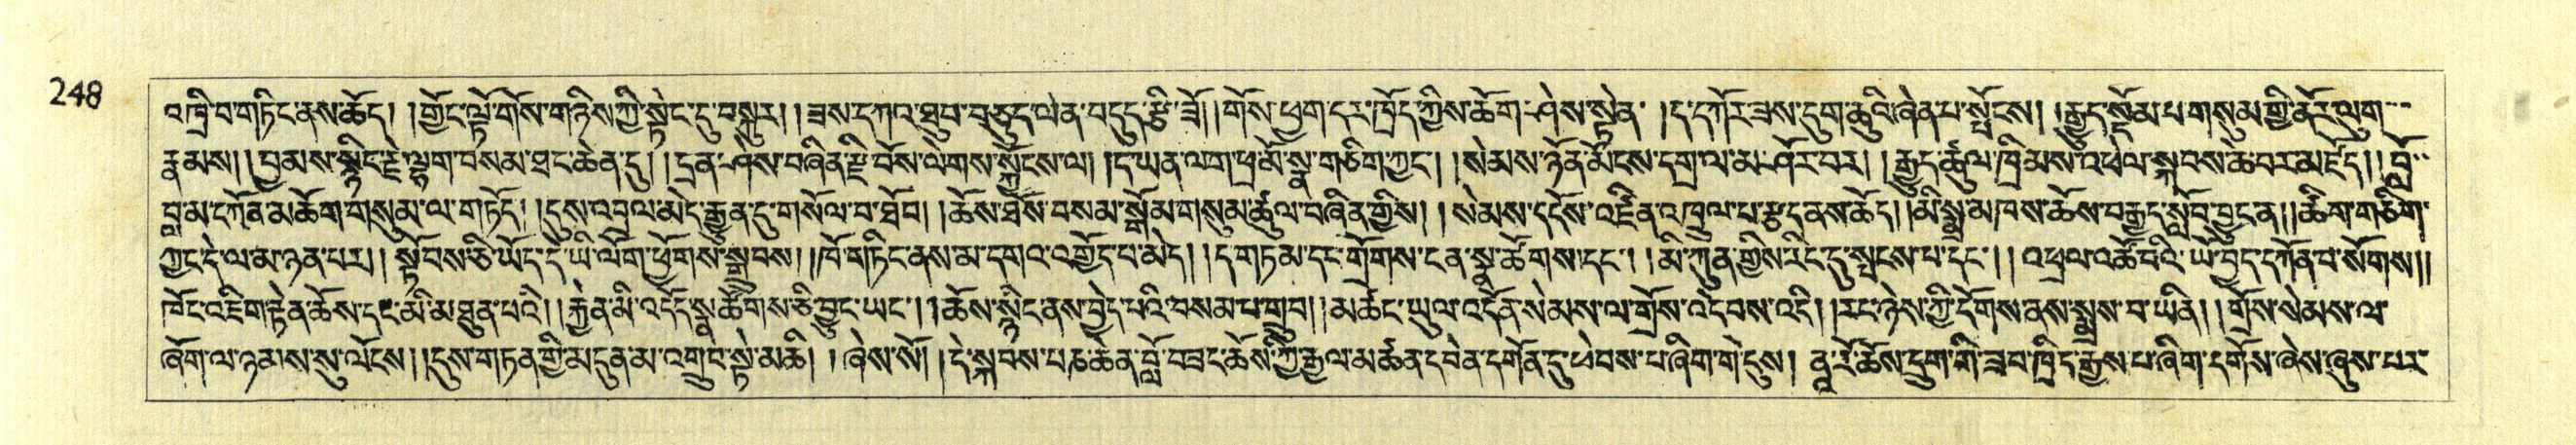འཁྲི་བ་གཏིང་ནས་ཆོད། །གྱོང་ལྟོ་གོས་གཉིས་ཀྱི་སྟེང་དུ་བསྐུར། །ཟས་དཀའ་ཐུབ་བཅུད་ལེན་བདུད་རྩི་ཟོ། །གོས་ཕྱག་དར་ཁྲོད་ཀྱིས་ཆོག་ཤེས་སྟེན་།ད་དཀོར་ཟས་དུག་ཆུའི་ཞེན་པ་སྤོངས། །རྒྱུད་སྡོམ་པ་གསུམ་གྱི་ནོར་ལུག་
རྣམས། །བྱམས་སྙིང་རྗེ་ལྷག་བསམ་ཐང་ཆེན་དུ། །དྲན་ཤེས་བཞིན་རྫི་བོས་ལེགས་སྐྱོངས་ལ། །ད་ཡན་ལག་ཕྲ་མོ་སྣ་གཅིག་ཀྱང་། །སེམས་ཉོན་མོངས་དགྲ་ལ་མ་ཤོར་བར། །རྒྱུད་ཚུལ་ཁྲིམས་འཕེལ་སྐབས་ཆེ་བར་མཛོད། །བློ་
བླ་མ་དཀོན་མཆོག་གསུམ་ལ་གཏོད། །དུས་འབྲལ་མེད་རྒྱུན་དུ་གསོལ་བ་ཐོབ། །ཆོས་ཐོས་བསམ་སྒོམ་གསུམ་ཚུལ་བཞིན་གྱིས། །སེམས་དངོས་འཛིན་འཁྲུལ་པ་རྩད་ནས་ཆོད། །མི་སྨྲ་མཁས་ཆོས་བརྒྱད་སློབ་བྱུང་ན། །ཚིག་གཅིག་
ཀྱང་དེ་ལ་མ་ཉན་པར། སྟོབས་ཅི་ཡོད་དེ་ཡི་ལོག་ཕྱོགས་སྒྲུབས། །ཁོ་གཏིང་ནས་མ་དགའ་འགྱོད་པ་མེད། །ད་གཏམ་དང་གྲོགས་ངན་སྣ་ཚོགས་དང་། །མི་ཀུན་གྱིས་རིང་དུ་སྤངས་པ་དང་། །འཕྲལ་འཚོ་བའི་ཡོ་བྱད་དཀོན་པ་སོགས།།
ཁོང་འཇིག་རྟེན་ཆོས་དང་མི་མཐུན་པའི། །རྐྱེན་མི་འདོད་སྣ་ཚོགས་ཅི་བྱུང་ཡང་། །ཆོས་སྙིང་ནས་བྱེད་པའི་བསམ་པ་གྲུབ། །མཚང་ཡུལ་འདོན་སེམས་ལ་གྲོས་འདེབས་འདི། །རང་ཉེས་ཀྱི་དོགས་ནས་སྨྲས་བ་ཡིན། །གྲོས་སེམས་ལ་
ཞོག་ལ་ཉམས་སུ་ལོངས། །དུས་གཏན་གྱི་མདུན་མ་འགྲུབ་སྟེ་མཆི། །ཞེས་སོ། །དེ་སྐབས་པཎ་ཆེན་བློ་བཟང་ཆོས་ཀྱི་རྒྱལ་མཚན་དབེན་དགོན་དུ་ཕེབས་པ་ཞིག་གི་དུས། ནཱ་རོ་ཆོས་དྲུག་གི་ཟབ་ཁྲིད་རྒྱས་པ་ཞིག་དགོས་ཞེས་ཞུས་པར་